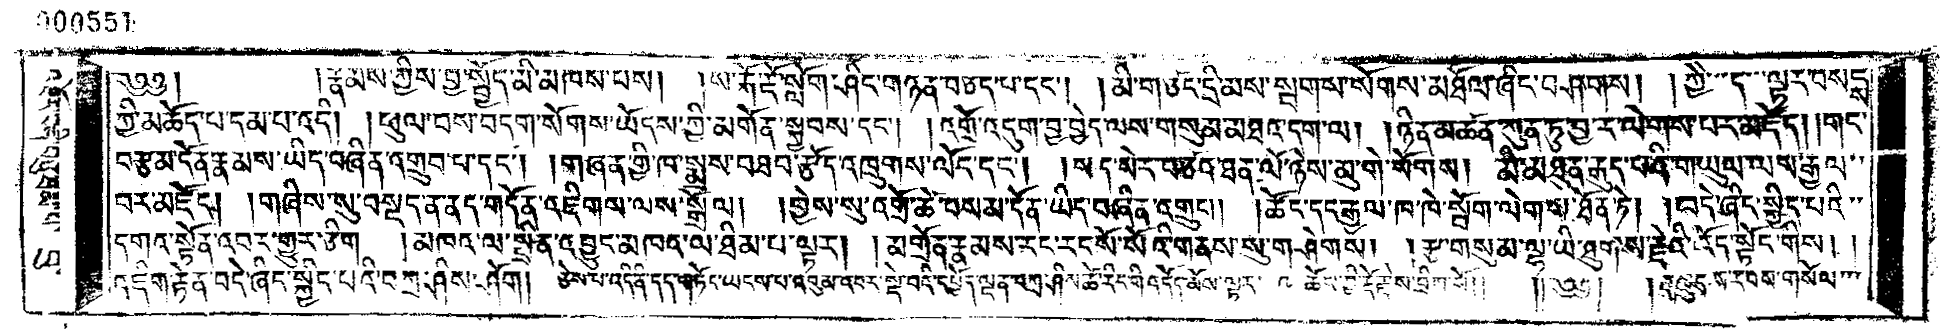༄༅། །རྣམས་ཀྱིས་བྱ་སྤྱོད་མི་མཁས་པས། །ས་རྐོ་རྡོ་སློག་ཤིང་གཉན་བཅད་པ་དང་། །མི་གཙང་དྲི་མས་སྦགས་སོགས་མཐོལ་ཞིང་བཤགས། །ཀྱཻ་ད་ལྟར་བསངས་
ཀྱི་མཆོད་པ་དམ་པ་འདི། །ཕུལ་བས་བདག་སོགས་ཡོངས་ཀྱི་མགོན་སྐྱབས་དང་། །འགྲོ་འདུག་བྱ་བྱེད་ལས་གསུམ་མཐའ་དག་ལ། །ཉིན་མཚན་ཀུན་ཏུ་བྱ་ར་ལེགས་པར་མཛོད། །གང་
བརྩམ་དོན་རྣམས་ཡིད་བཞིན་འགྲུབ་པ་དང་། །གཞན་གྱི་ཁ་སྨྲས་བྠབ་རྩོད་འཁྲུགས་ལོང་དང་། །སད་སེར་བ་ཙའ་ཐན་ལོ་ཉེས་མུ་གེ་སོགས། མི་མཐུན་རྒུད་པའི་གཡུལ་ལས་རྒྱལ་
བར་མཛོད། །གཞིས་སུ་བསྡད་ན་ནད་གདོན་འཇིགས་ལས་སྒྲོལ། །བྱེས་སུ་འགྲོ་ཚེ་བསམ་དོན་ཡིད་བཞིན་འགྲུབ། །ཚོང་དང་རྒྱལ་ཁ་ཁེ་སྦོག་ལེགས་ཐོན་ཏེ། །བདེ་ཞིང་སྐྱིད་པའི་
དགའ་སྟོན་འབར་གྱུར་ཅིག །མཁའ་ལ་སྤྲིན་འབྱུང་མཁའ་ལ་ཐིམ་པ་ལྟར། །མགྲོན་རྣམས་རང་རང་སོ་སོའི་གནས་སུ་གཤེགས། །རྩ་གསུམ་ལྷ་ཡི་ཐུགས་རྗེའི་འོད་སྟོང་གིས། །
འཇིག་རྟེན་བདེ་ཞིང་སྐྱིད་པའི་བཀྲ་ཤིས་ཤོག །ཅེས་པ་འདི་ནི་དད་གཏོང་ཡངས་པ་འབུམ་འབར་སྡེ་བའི་དཔྱོད་ལྡན་བཀྲ་ཤིས་ཚེ་རིང་གི་འདོད་མོས་ལྟར་༧་ཆོས་ཀྱི་རྡོ་རྗེས་བྲིས་སོ།། །། ༄༅། །འཁྲུངས་རབས་གསོལ་